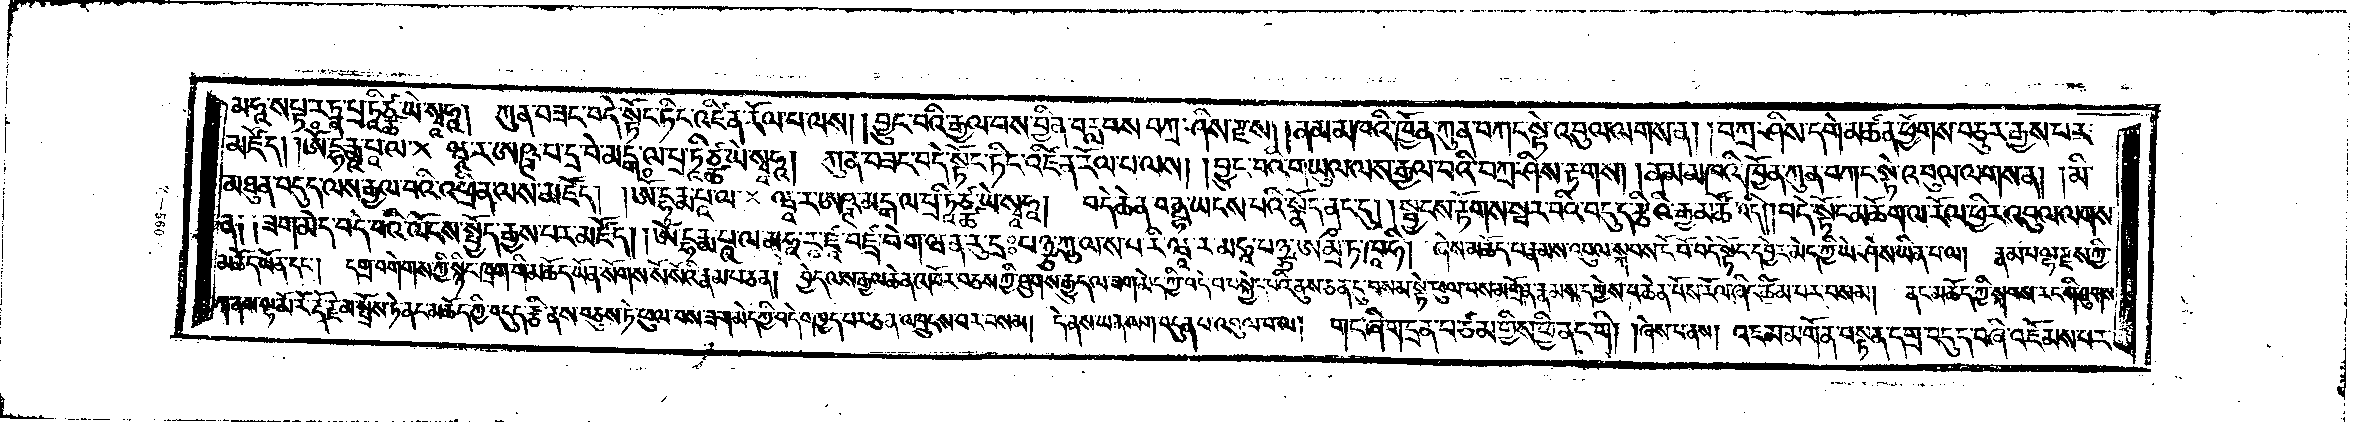མཧཱ་སཔྟ་རཏྣ་པྲ་ཏཱིཙྪ་ཡེ་སྭཱ་ཧཱ། ཀུན་བཟང་བདེ་སྟོང་ཏིང་འཛིན་རོལ་པ་ལས། །བྱུང་བའི་རྒྱལ་བས་བྱིན་བརླབས་བཀྲ་ཤིས་རྫས། །ནམ་མཁའ་ཁྱོན་ཀུན་བཀང་སྟི་འབུལ་ལགས་ན། །བཀྲ་ཤིས་དགེ་མཚན་ཕྱོགས་བཅུར་རྒྱས་པར་
མཛོད། །ཨོཾ་དྷརྨཱ་པཱ་ལ་྾་ཝཱ་ར་ཨཥྚ་པ་དྲ་བེ་མངྒ་ལ་པྲ་ཏཱི་ཙྪ་ཡེ་སྭཱ་ཧཱ། ཀུན་བཟང་བདེ་སྟོང་ཏིང་འཛིན་རོལ་པ་ལས། །བྱུང་པའི་གཡུལ་ལས་རྒྱལ་བའི་བཀྲ་ཤིས་རྟགས། །ནམ་མཁའི་ཁྱོན་ཀུན་བཀང་སྟེ་འབུལ་ལ་གསན། །མི་
མཐུན་བདུད་ལས་རྒྱལ་བའི་འཕྲིན་ལས་མཛོད། །ཨོཾ་དྷརྨ་པཱ་ལ་྾་ཝཱ་ར་ཨསཿཊ་མངྒ་ལ་པྲ་ཏཱི་ཙྪ་ཡེ་སྭཱ་ཧཱ། བདེ་ཆེན་པནྡྷ་ཡངས་པའི་སྣོད་ནང་དུ། །སྦྱངས་རྟོགས་སྤར་བའི་བདུད་རྩིའི་རྒྱ་མཚོ་འདི། །བདེ་སྟོང་མཆོག་ལ་རོལ་ཕྱིར་འབུལ་ལགས་
ན༑ ༑ཟག་མེད་བདེ་པའི་ལོངས་སྤྱོད་རྒྱས་པར་མཛོད། །ཨོཾ་དྷརྨ་པཱ་ལ་མཧཱ་རཱ་ཛཱ་བཛྲ་བེ་ག་ཝ་ན་རུ་དྲཿབཉྩ་ཀུ་ལས་པ་རི་ཝཱ་ར་མཧཱ་པཉྩ་ཨ་མྲྀ་ཏ་ཁཱ་ཧི། ཞེས་མཆོད་པ་རྣམས་འབུལ་སྐབས་ངོ་བོ་བདེ་སྟོང་དབྱེར་མེད་ཀྱི་ཡེ་ཤེས་ཡིན་པ་ལ། རྣམ་པ་ལྷ་རྫས་ཀྱི་
མཆོད་ཡོན་དང་། དགྲ་བགེགས་ཀྱི་སྙིང་ཁྲག་གི་མཆོད་ཡོན་སོགས་སོ་སོའི་རྣམ་པ་ཅན། བྱེད་ལས་རྒྱལ་ཆེན་འཁོར་བཅས་ཀྱི་ཐུགས་རྒྱུད་ལ་ཟག་མེད་ཀྱི་བདེ་བ་བསྐྱེད་པའི་ནུས་ཅན་དུ་བསམ་སྟེ་ཕུལ་པས་མགྲོན་རྣམས་དགྱེས་པ་ཆེན་པོས་རོལ་ཞིང་ཚིམ་པར་བསམ། ནང་མཆོད་ཀྱི་སྐབས་རང་གི་ཐུགས་
ཀ་ནས་ལྷ་མོ་རོ་རྡོ་རྗེ་མ་སྤྲོས་ཏེ་ནང་མཆོད་ཀྱི་བདུད་རྩི་ནས་བཅུས་ཏེ་ཕུལ་བས་ཟག་མེད་ཀྱི་བདེ་བ་ཁྱད་པར་ཅན་འཁྲུངས་པར་བསམ། དེ་ནས་ཡན་ལག་བདུན་པ་འབུལ་པ་ལ། གང་ཞིག་དྲན་པ་ཙམ་གྱིས་ཕྱི་ནང་གི། །ཞེས་པ་ནས། འཇམ་མགོན་བསྟན་དགྲ་བདུད་བཞི་འཇོམས་པར་